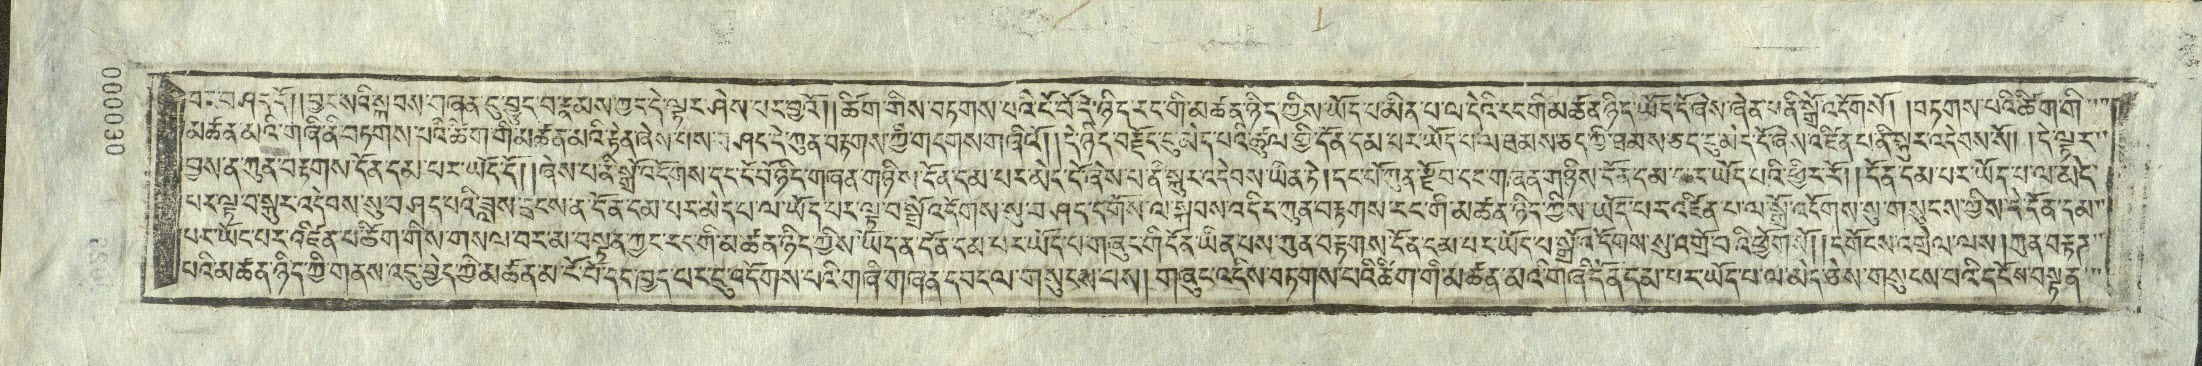བར་བཤད་དོ། །བྱང་སའི་སྐབས་གཞན་དུ་བྱུང་བ་རྣམས་ཀྱང་དེ་ལྟར་ཤེས་པར་བྱའོ། །ཚིག་གིས་བཏགས་པའི་ངོ་བོ་དེ་ཉིད་རང་གི་མཚན་ཉིད་ཀྱིས་ཡོད་པ་མིན་པ་ལ་དེའི་རང་གི་མཚན་ཉིད་ཡོད་དོ་ཞེས་ཞེན་པ་ནི་སྒྲོ་འདོགས་སོ། །བཏགས་པའི་ཚིག་གི་
མཚན་མའི་གཞི་ནི་བཏགས་པའི་ཚིག་གི་མཚན་མའི་རྟེན་ཞེས་པས་བཤད་དེ་ཀུན་བརྟགས་ཀྱི་གདགས་གཞིའོ། །དེ་ཉིད་བརྗོད་དུ་མེད་པའི་ཚུལ་ཀྱི་དོན་དམ་པར་ཡོད་པ་ལ་ཐམས་ཅད་ཀྱི་ཐམས་ཅད་དུ་མེད་དོ་ཞེས་འཛིན་པ་ནི་སྐུར་འདེབས་སོ། །དེ་ལྟར་
བྱས་ན་ཀུན་བརྟགས་དོན་དམ་པར་ཡོད་དོ། །ཞེས་པ་ནི་སྒྲོ་འདོགས་དང་ངོ་བོ་ཉིད་གཞན་གཉིས་དོན་དམ་པར་མེད་དོ་ཞེས་པ་ནི་སྐུར་འདེབས་ཡིན་ཏེ། དང་པོ་ཀུན་རྫོབ་དང་གཞན་གཉིས་དོན་དམ་པར་ཡོད་པའི་ཕྱིར་རོ། །དོན་དམ་པར་ཡོད་པ་ལ་མེད་
པར་ལྟ་བསྐུར་འདེབས་སུ་བཤད་པའི་ཟླས་དྲངས་ན་དོན་དམ་པར་མེད་པ་ལ་ཡོད་པར་ལྟ་བ་སྒྲོ་འདོགས་སུ་བཤད་དགོས་ལ་སྐབས་འདིར་ཀུན་བརྟགས་རང་གི་མཚན་ཉིད་ཀྱིས་ཡོད་པར་འཛིན་པ་ལ་སྒྲོ་འདོགས་སུ་གསུངས་ཀྱིས་དེ་དོན་དམ་
པར་ཡོད་པར་འཛིན་པ་ཚིག་གིས་གསལ་བར་མ་བསྟན་ཀྱང་རང་གི་མཚན་ཉིད་ཀྱིས་ཡོད་ན་དོན་དམ་པར་ཡོད་པ་གཞུང་གི་དོན་ཡིན་པས་ཀུན་བརྟགས་དོན་དམ་པར་ཡོད་པ་སྒྲོ་འདོགས་སུ་འགྲོ་བའི་ཕྱོགས་སོ། །དགོངས་འགྲེལ་ལས། ཀུན་བརྟགས་
པའི་མཚན་ཉིད་ཀྱི་གནས་འདུ་བྱེད་ཀྱི་མཚན་མ་ངོ་བོ་དང་ཁྱད་པར་དུ་འདོགས་པའི་གཞི་གཞན་དབང་ལ་གསུངས་པས། གཞུང་འདིས་བཏགས་པའི་ཚིག་གི་མཚན་མའི་གཞི་དོན་དམ་པར་ཡོད་པ་ལ་མེད་ཅེས་གསུངས་པའི་དངོས་བསྟན་